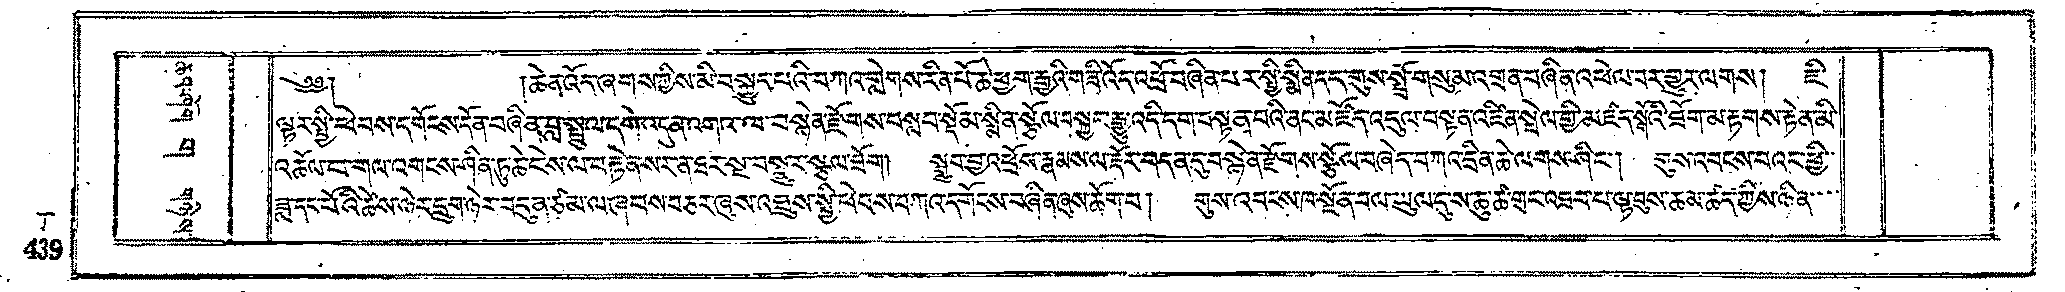༄༅། །ཆེན་འོད་ཞགས་ཀྱིས་མི་བསྐྱུད་པའི་བཀའ་གླེགས་རིན་པོ་ཆེ་ཕྱག་རྒྱའི་གཟི་འོད་འཕྲོ་བཞིན་པར་སྤྱི་སྨིན་དད་གུས་སྤྲོ་གསུམ་འགྲན་བཞིན་འཕྲལ་བར་གྱུར་ལགས། ཇི་
ལྟར་སྤྱི་ཕེབས་དགོངས་དོན་བཞིན་བླ་སྤྲུལ་དགེ་འདུན་འགའ་ལ་བསྙེན་རྫོགས་བསླབ་སྡོམ་སྨིན་སྩོལ་བསྐྱང་རྒྱུ་འདི་དག་བསྟེན་པའི་ནང་མཛོད་འདུལ་བསྟན་འཛིན་སྤེལ་གྱི་མཛད་སྒོའི་ཐོག་མ་རྟགས་རྟེན་མི་
འཆོལ་བ་གལ་འགངས་ཤིན་ཏུ་ཆེ་ངེས་ལ་བརྟེན་ས་ར་ན་ཐར་སྔ་བ་སྣུར་སྩལ་ཐོག། སྒྲུབ་བྱ་འཕྲོས་རྣམས་ལ་རྡོར་གདན་དུ་བསྙེན་རྫོགས་སྩོལ་བཞེད་བཀའ་དྲིན་ཆེ་ལགས་ཤིང་། གུས་འབངས་པའང་ཕྱི་་་
ཟླ་དང་པོའི་ཚེས་ཉེར་དྲུག་ཉེར་བདུན་ཙམ་ལ་ཞབས་བཅར་ཞུས་འཐུས་སྤྱི་ཕེབས་བཀའ་དགོངས་བཞིན་ཞུས་ཆོག་པ། གུས་འབངས་ཁ་སྔོན་བལ་ཡུལ་དུ་ས་ཆུ་ཚ་གྲང་འཐབ་པ་ལྟ་བུས་ཆམ་ཚད་ཀྱིས་ཉིན་་་